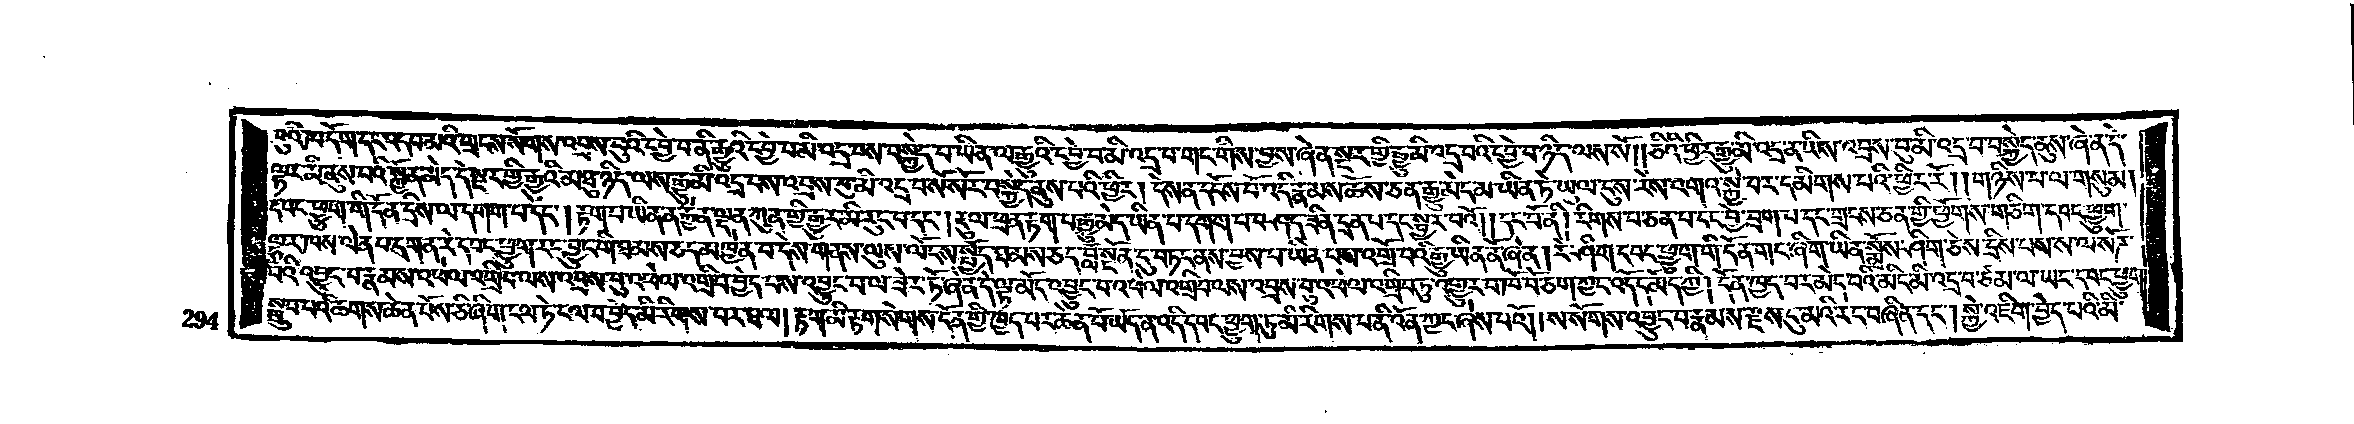བུའི་ཁ་དོག་དང་འདབ་མའི་གྲངས་སོགས་འབྲས་བུའི་དབྱེ་བ་ནི་རྒྱུའི་འདྲ་བས་བསྐྱེད་པ་ཡིན་ལ་རྒྱུའི་དབྱེ་བ་མི་འདྲ་བ་གང་གིས་བྱས་ཞེ་ན་སྔར་གྱི་རྒྱུ་མི་འདྲ་བའི་དབྱེ་བ་ཉིད་ལས་སོ། །ཅིའི་ཕྱིར་རྒྱུ་མི་འདྲ་ན་ཡིས་འབྲས་བུ་མི་འདྲ་བ་བསྐྱེད་ནུས་ཞེ་ན་དེ་
ལྟར་མི་ནུས་པའི་སྐྱོན་མེད་དེ་སྔར་གྱི་རྒྱུའི་མཐུ་ཉིད་ལས་རྒྱུ་མི་འདྲ་བས་འབྲས་བུ་མི་འདྲ་བ་སོ་སོར་བསྐྱེད་ནུས་པའི་ཕྱིར། དེས་ན་དངོས་པོ་འདི་རྣམས་ཆོས་ཅན་རྒྱུ་མེད་མ་ཡིན་ཏེ་ཡུལ་དུས་རེས་འགའ་སྐྱེ་བར་དམིགས་པའི་ཕྱིར་རོ། །གཉིས་པ་ལ་གསུམ།
དབང་ཕྱུག་གི་དོན་དྲིས་ལ་དགག་པ་དང་། རྟག་པ་ཡིན་ན་རྐྱེན་ལྡན་ཀུན་གྱི་རྒྱུར་མི་རུང་བ་དང་། རྡུལ་ཕྲན་རྟག་པ་རྒྱུ་མེད་ཡིན་པ་དགག་པ་བཤད་ཟིན་དྲན་པ་དང་སྦྱར་བའོ། །དང་པོ་ནི། རིགས་པ་ཅན་པ་དང་བྱེ་བྲག་པ་དང་གྲངས་ཅན་གྱི་ཕྱོགས་གཅིག་དབང་ཕྱུག་
ལྷར་ཁས་ལེན་པ་དག་ན་རེ་དབང་ཕྱུག་རང་བྱུང་གི་ཐམས་ཅད་མཁྱེན་པ་དེས་གནས་ལུས་ལོངས་སྤྱོད་ཐམས་ཅད་བློ་སྔོན་དུ་བཏང་ནས་བྱས་པ་ཡིན་པས་འགྲོ་བའི་རྒྱུ་ཡིན་ནོ་ཞེ་ན། རེ་ཤིག་དབང་ཕྱུག་གི་དོན་གང་ཞིག་ཡིན་སྨོས་ཤིག་ཅེས་དྲིས་པས་ས་ལ་སོགས་
པའི་འབྱུང་བ་རྣམས་འཕེལ་འགྲིབ་ལས་འབྲས་བུ་འཕེལ་འགྲིབ་བྱེད་པས་འབྱུང་བ་ལ་ཟེར་ཏོ་ཞེ་ན་དེ་ལྟ་མོད་འབྱུང་བ་འཕེལ་འགྲིབ་ལས་འབྲས་བུ་འཕེལ་འགྲིབ་ཏུ་འགྱུར་བ་ཁོ་བོ་ཅག་ཀྱང་འདོད་མོད་ཀྱི། དོན་ཁྱད་པར་མེད་པའི་མིང་མི་འདྲ་བ་ཙམ་ལ་ཡང་དབང་ཕྱུག་
སྒྲུབ་པའི་ཆགས་ཆེན་པོས་ཅི་ཞིག་ངལ་ཏེ་ངལ་བ་བྱེད་མི་རིགས་པར་ཐལ། རྟག་མི་རྟག་སོགས་དོན་གྱི་ཁྱད་པར་ཆེན་པོ་ཡོད་ན་འདི་དབང་ཕྱུག་ཏུ་མི་རིགས་པ་ནི་འོན་ཀྱང་ཞེས་པའོ། །ས་སོགས་འབྱུང་བ་རྣམས་རྫས་དུ་མའི་རང་བཞིན་དང་། སྐྱེ་འཇིག་བྱེད་པའི་མི་